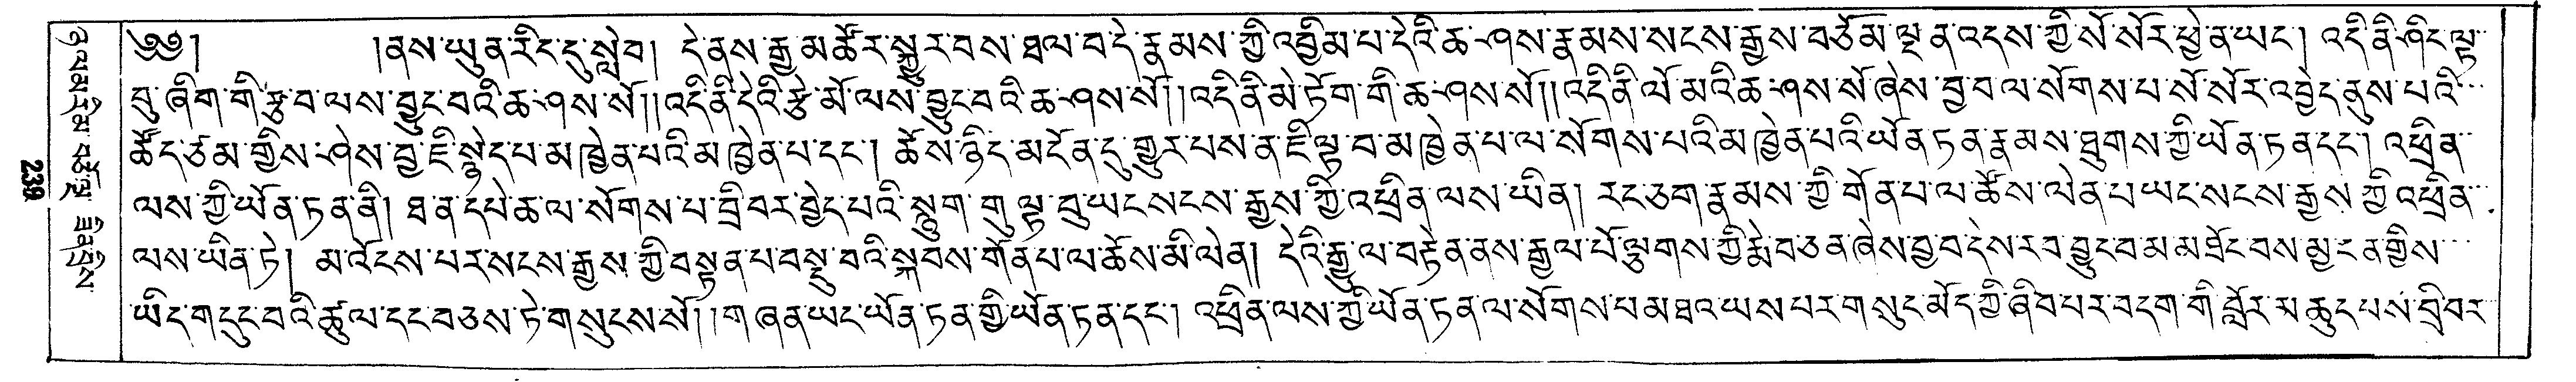༄༅། །ནས་ཡུན་རིང་དུ་སླེབ། དེ་ནས་རྒྱ་མཚོར་སྐྱུར་བས་ཐལ་བ་དེ་རྣམས་ཀྱི་འབྱིམ་པ་དེའི་ཆ་ཤས་རྣམས་སངས་རྒྱས་བཅོམ་ལྡན་འདས་ཀྱི་སོ་སོར་ཕྱེ་ན་ཡང་། འདི་ནི་ཤིང་ལྟ་
བུ་ཞིག་གི་རྩ་བ་ལས་བྱུང་བའི་ཆ་ཤས་སོ། །འདི་ནི་དེའི་རྩེ་མོ་ལས་བྱུང་བའི་ཆ་ཤས་སོ། །འདི་ནི་མེ་ཏོག་གི་ཆ་ཤས་སོ། །འདི་ནི་ལོ་མའི་ཆ་ཤས་སོ་ཞེས་བྱ་བ་ལ་སོགས་པ་སོ་སོར་འབྱེད་ནུས་པའི་
ཚོད་ཙམ་གྱིས་ཤེས་བྱ་ཇི་སྙེད་པ་མཁྱེན་པའི་མཁྱེན་པ་དང་། ཆོས་ཉིད་མངོན་དུ་གྱུར་པས་ན་ཇི་ལྟ་བ་མཁྱེན་པ་ལ་སོགས་པའི་མཁྱེན་པའི་ཡོན་ཏན་རྣམས་ཐུགས་ཀྱི་ཡོན་ཏན་དང་། འཕྲིན་
ལས་ཀྱི་ཡོན་ཏན་ནི། ཐ་ན་དཔེ་ཆ་ལ་སོགས་པ་བྲི་བར་བྱེད་པའི་སྙུག་གུ་ལྟ་བུ་ཡང་སངས་རྒྱས་ཀྱི་འཕྲིན་ལས་ཡིན། རང་ཅག་རྣམས་ཀྱི་གོན་པ་ལ་ཚོས་ལེན་པ་ཡང་སངས་རྒྱས་ཀྱི་འཕྲིན་
ལས་ཡིན་ཏེ། མ་འོངས་པར་སངས་རྒྱས་ཀྱི་བསྟན་པ་བསྡུ་བའི་སྐབས་གོན་པ་ལ་ཚོས་མི་ལེན། དེའི་རྒྱུ་ལ་བརྟེན་ནས་རྒྱལ་པོ་ལྕགས་ཀྱི་རྨེ་བ་ཅན་ཞེས་བྱ་བ་ངེས་རབ་བྱུང་བ་མ་མཐོང་བས་མྱ་ངན་གྱིས་
ཡིད་གདུང་བའི་ཚུལ་དང་བཅས་ཏེ་གསུངས་སོ། །གཞན་ཡང་ཡོན་ཏན་གྱི་ཡོན་ཏན་དང་། འཕྲིན་ལས་ཀྱི་ཡོན་ཏན་ལ་སོགས་པ་མཐའ་ཡས་པར་གསུང་མོད་ཀྱི་ཞིབ་པར་བདག་གི་བློར་མ་ཆུད་པས་བྲི་བར་